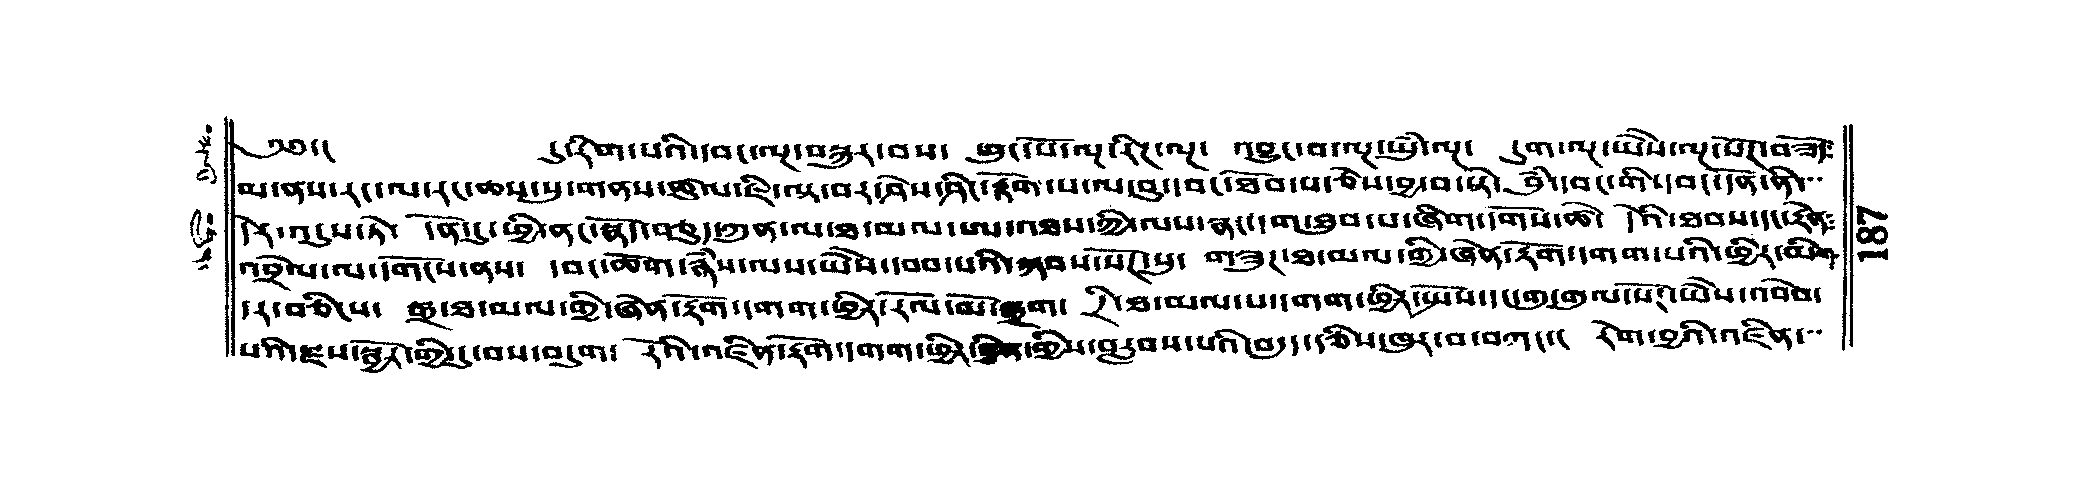དུ་རིག་པའི་དབང་ལྔ་བསྐུར་བས། ཕུང་པོ་ལྔ་རིགས་ལྔ། འབྱུང་བ་ལྔ་ཡུམ་ལྔ། དུག་ལྔ་ཡེ་ཤེས་ལྔ་སོགས་བཟོད་
མ་ནས་རང་ལ་རང་ཆས་སུ་གནས་ཚུལ་ཇི་ལྟ་བར་ཤེས་ཤིང་རྟོགས་པ་ལ་བུམ་དབང་ཐོབ་པ་ཞེས་བྱ་བ་སྟེ།བུམ་དབང་གི་དབང་དོན་ནི་
དེར་འདུས་ཏེ། དོན་དུ་ཕྱི་ནང་སྣོད་བཅུད་ཀུན་ལ་ཐ་མལ་ཨ་འཐས་ཀྱི་ལས་སྣང་དག་ཐུབ་པ་ཞིག་དགོས་ཚེ། དེའི་ཐབས་དང་རྟེན་
འབྲེལ་ལ་དགོངས་ནས། དབང་ཆོག་རྣམས་ལས་ཡེ་ཤེས་དབབ་པའི་སྐབས་སོགས་སུ། གཟུགས་ཐ་མལ་གྱི་ཞེན་རྟོག་དགག་པའི་ཕྱིར་མིག་
དར་བཅིངས། སྒྲ་ཐ་མལ་གྱི་ཞེན་རྟོག་དགག་ཕྱིར་རོལ་མོ་སྒྲག དྲི་ཐ་མལ་པ་དགག་ཕྱིར་སྤོས་དང་གུ་གུལ་སོགས་ཡེ་ཤེས་འབེབས་
པའི་རྫས་སྦྱོར་གྱི་དུ་བས་བདུག རོའི་འཛིན་རྟོག་དགག་ཕྱིར་བྱིན་གྱིས་བརླབས་པའི་བདུད་རྩིས་ཁྱོར་བ་བཀང་། རེག་བྱའི་འཛིན་